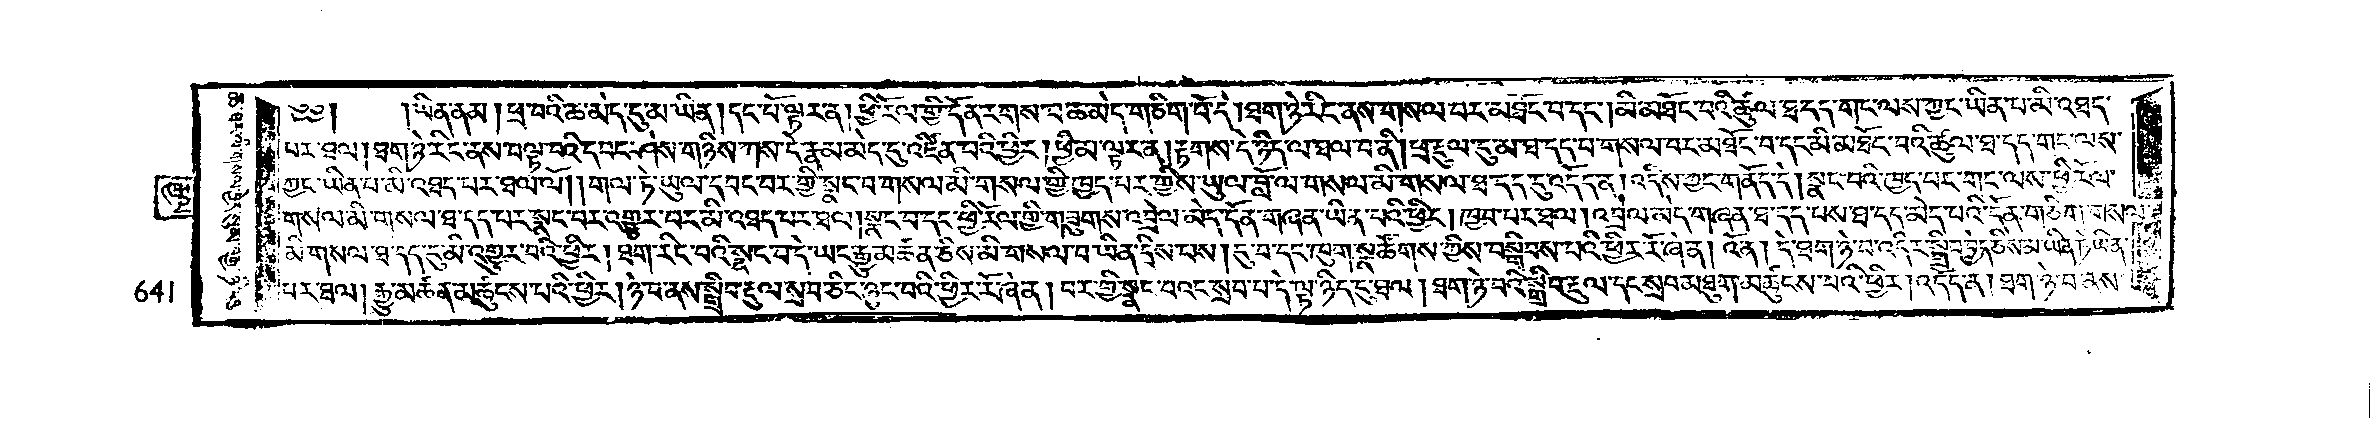༄༅། །ཡིན་ནམ། ཕྲ་བའི་ཆ་མེད་དུ་མ་ཡིན། དང་པོ་ལྟར་ན། ཕྱི་རོལ་གྱི་དོན་རགས་པ་ཆ་མེད་གཅིག་པོ་དེ། ཐག་ཉེ་རིང་ནས་གསལ་བར་མཐོང་བ་དང་། མི་མཐོང་བའི་ཚུལ་ཐ་དད་གང་ལས་ཀྱང་ཡིན་པ་མི་འཐད་
པར་ཐལ། ཐག་ཉེ་རིང་ནས་བལྟ་བའི་དབང་ཤེས་གཉིས་ཀས་དེ་རྣམ་མེད་དུ་འཛིན་པའི་ཕྱིར། ཕྱི་མ་ལྟར་ན། རྟགས་དེ་ཉིད་ལ་ཐལ་བ་ནི། ཕྲ་རྡུལ་དུ་མ་ཐ་དད་པ་གསལ་བར་མཐོང་བ་དང་མི་མཐོང་བའི་ཚུལ་ཐ་དད་གང་ལས་
ཀྱང་ཡིན་པ་མི་འཐད་པར་ཐལ་ལོ། །གལ་ཏེ་ཡུལ་དབང་བར་གྱི་སྣང་བ་གསལ་མི་གསལ་གྱི་ཁྱད་པར་གྱིས་ཡུལ་བློ་ལ་གསལ་མི་གསལ་ཐ་དད་དུ་འདོད་ན། འདིས་ཀྱང་གནོད་དེ། སྣང་བའི་ཁྱད་པར་གང་ལས་ཕྱི་རོལ་
བསལ་མི་གསལ་ཐ་དད་པར་སྣང་བར་འགྱུར་བར་མི་འཐད་པར་ཐལ། སྣང་བ་དང་ཕྱི་རོལ་གྱི་གཟུགས་འབྲེལ་མེད་དོན་གཞན་ཡིན་པའི་ཕྱིར། ཁྱབ་པར་ཐལ། འབྲེལ་མེད་གཞན་ཐ་དད་པས་ཐ་དད་མེད་པའི་དོན་གཅིག་གསལ་
མི་གསལ་ཐ་དད་དུ་མི་འགྱུར་བའི་ཕྱིར། ཐག་རིང་བའི་སྣང་བ་དེ་ཡང་རྒྱུ་མཚན་ཅིས་མི་གསལ་བ་ཡིན་དྲིས་པས། དུ་བ་དང་ཁུག་སྣ་ཚོགས་ཀྱིས་བསྒྲིབས་པའི་ཕྱིར་རོ་ཞེ་ན། འོ་ན། དེ་ཐག་ཉེ་བ་འདིར་སྒྲིབ་བྱེད་ཅིས་མ་ཡིན་ཏེ་ཡིན་
པར་ཐལ། རྒྱུ་མཚན་མཚུངས་པའི་ཕྱིར། ཉེ་བ་ནས་སྒྲིབ་རྡུལ་སྲབ་ཅིང་ཉུང་བའི་ཕྱིར་རོ་ཞེ་ན། བར་གྱི་སྣང་བའང་སྲབ་པ་དེ་ལྟ་ཉིད་དུ་ཐལ། ཐག་ཉེ་བའི་སྒྲིབ་རྡུལ་དང་སྲབ་མཐུག་མཚུངས་པའི་ཕྱིར། འདོད་ན། ཐག་ཉེ་བ་ནས་